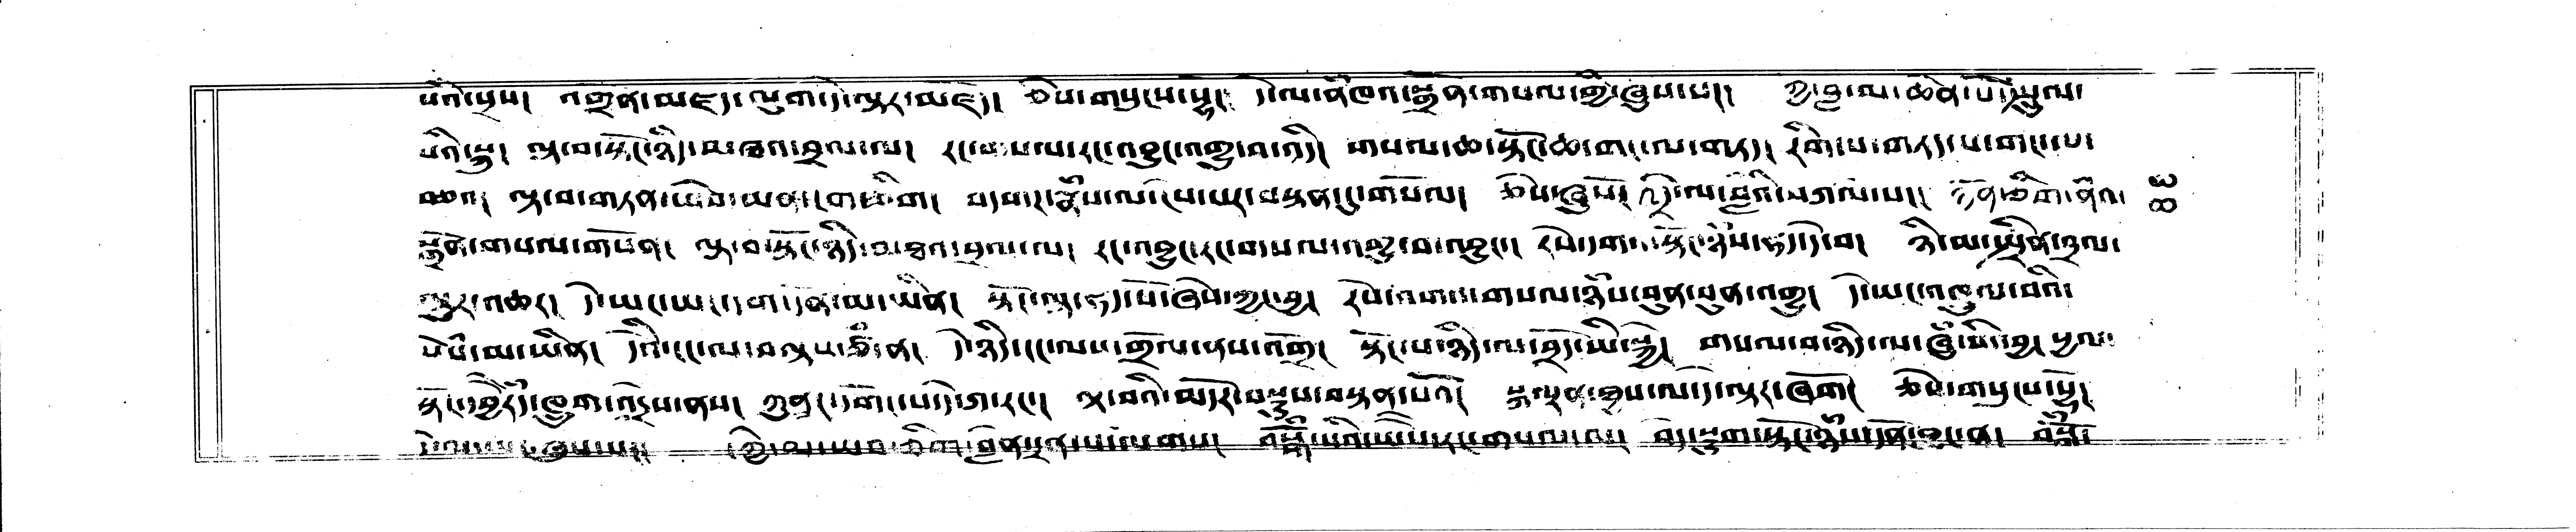པའི་སྲས། འགྲོ་དོན་མཛད་ལུགས་དེ་ལྟར་མཛོད། ཅེས་གསུངས་སོ། །དེ་ལ་ནམ་མཁའ་སྒྲོན་གསལ་གྱིས་ཞུས་པ། ཀྱེ་བླ་མ་ཆེན་པོ་སྤྲུལ་
པའི་སྐུ། ལྟ་བ་སྟོང་ཉིད་མཐའ་བྲལ་ལ། རང་གསལ་རང་འབྱུང་འགྱུ་བ་འདི། གསལ་ཆ་སྟོང་ཆ་གང་ལ་གཏད། རིག་པ་གཏད་པ་གང་ལ་
བཅའ། ལྟ་བ་གཏན་ཕེབས་མན་ངག་ཅིག བདག་ཅག་རྣམས་ལ་ངེས་པར་བསྟན་དུ་གསོལ། ཅེས་ཞུས་སོ། །དེ་ལ་བླ་མས་བཀའ་སྩལ་པ། ཉོན་ཅིག་ནམ་མཁའ་
སྒྲོན་གསལ་གསོན། ལྟ་བ་སྟོང་ཉིད་མཐའ་བྲལ་ལ། རང་འབྱུང་རང་གསལ་འགྱུ་བ་འབྱུང་། རེས་འགའ་སྟོང་ཉམས་ཧད་དེ་བ། ཉི་མ་སྤྲིན་བྲལ་
ལྟ་བུར་འཆར། དེ་ཡང་ཡང་དག་དོན་མ་ཡིན། སྟོང་ལྟ་ཧད་པོ་ཞེས་ཀྱང་བྱ། རེས་འགའ་གསལ་ཉམས་བན་བུན་འགྱུ། དེ་ཡང་འཁྲུལ་པའི་
སེམས་མ་ཡིན། དེ་ཡི་ངང་ལ་བལྟས་ཙམ་ན། དེ་ཉིད་ངང་ལས་གྲོལ་ནས་འགྲོ། སྟོང་པ་ཉིད་ལ་བྲོད་མི་སྐྱེ། གསལ་བ་ཉིད་ལ་ཞུམ་མི་བྱ། གསལ་
སྟོང་དབྱེར་མེད་ཁྲུག་འདྲེས་ནས། ཀུན་བཟང་དགོངས་པ་དེ་ཀ་རང་། ལྟ་བའི་མདོར་བསྡུས་བསྟན་པའོ། །སྐལ་ལྡན་ཐུགས་ལ་དེ་ལྟར་ཞོག །ཅེས་གསུངས་སོ།།
དེ་ལ་ཡང་ཞུས་པ། ཀྱེ་མ་ཡབ་ཅིག་བླ་ཆེན་དྲན་པ་ལགས། བསྒོམ་པའི་ཡེ་ཤེས་རང་གསལ་ལ། བདེ་སྡུག་སྟོང་ཉམས་དོན་བྱུང་ན། བསྒོམ་